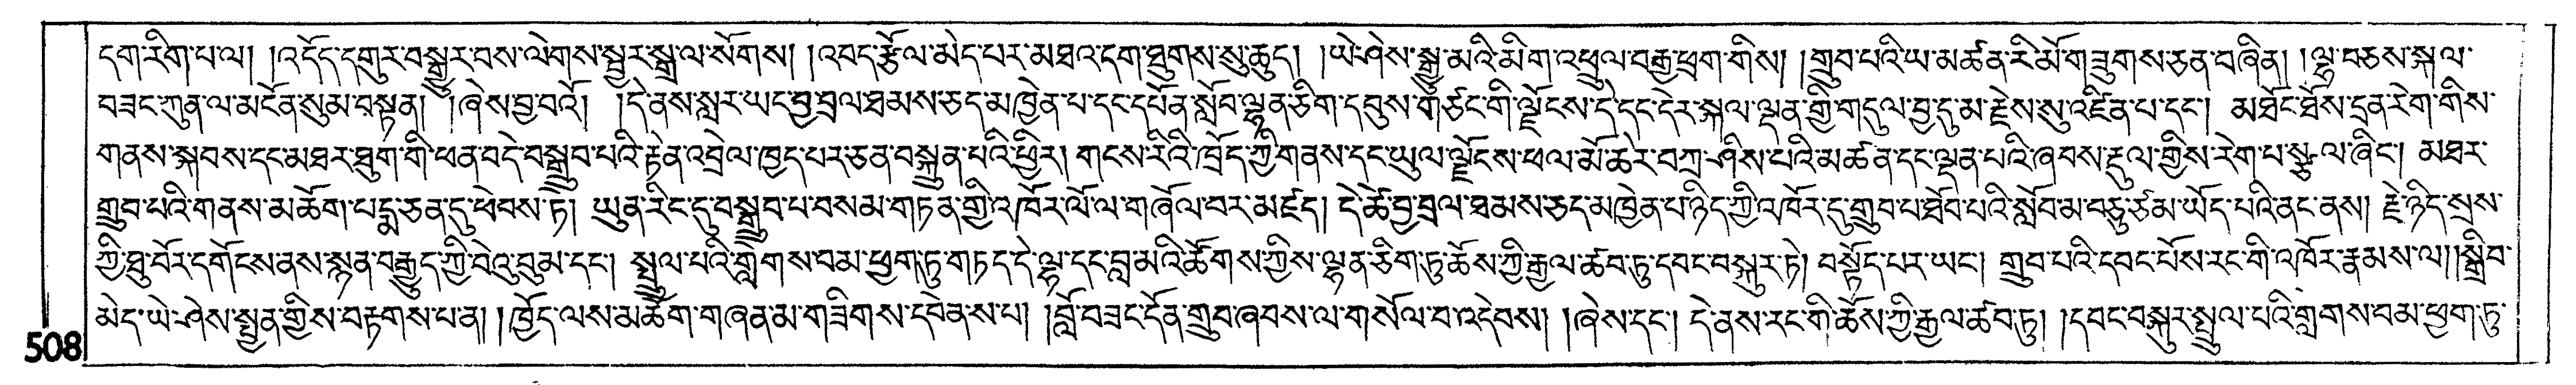དག་རིག་པ་ལ། །འདོད་དགུར་བསྒྱུར་བས་ལེགས་སྦྱར་སྒྲ་ལ་སོགས། །འབད་རྩོལ་མེད་པར་མཐའ་དག་ཐུགས་སུ་ཆུད། །ཡེ་ཤེས་སྒྱུ་མའི་མིག་འཕྲུལ་བརྒྱ་ཕྲག་གིས། །གྲུབ་པའི་ཡ་མཚན་རི་མོ་གཟུགས་ཅན་བཞིན། །ལྷ་བཅས་སྐལ་
བཟང་ཀུན་ལ་མངོན་སུམ་བསྟན། །ཞེས་བྱ་བའོ། །དེ་ནས་སླར་ཡང་བྱ་བྲལ་ཐམས་ཅད་མཁྱེན་པ་དང་དཔོན་སློབ་ལྷན་ཅིག་དབུས་གཙང་གི་ལྗོངས་དེ་དང་དེར་སྐལ་ལྡན་གྱི་གདུལ་བྱ་དུ་མ་རྗེས་སུ་འཛིན་པ་དང་། མཐོང་ཐོས་དྲན་རེག་གིས་
གནས་སྐབས་དང་མཐར་ཐུག་གི་ཕན་བདེ་བསྒྲུབ་པའི་རྟེན་འབྲེལ་ཁྱད་པར་ཅན་བསྐྲུན་པའི་ཕྱིར། གངས་རིའི་ཁྲོད་ཀྱི་གནས་དང་ཡུལ་ལྗོངས་ཕལ་མོ་ཆེར་བཀྲ་ཤིས་པའི་མཚན་དང་ལྡན་པའི་ཞབས་རྡུལ་གྱིས་རེག་པ་སྩལ་ཞིང་། མཐར་
གྲུབ་པའི་གནས་མཆོག་པདམ་ཅན་དུ་ཕེབས་ཏེ། ཡུན་རིང་དུ་བསྒྲུབ་པ་བསམ་གཏན་གྱི་འཁོར་ལོ་ལ་གཞོལ་བར་མཛད། དེ་ཚེ་བྱ་བྲལ་ཐམས་ཅད་མཁྱེན་པ་ཉིད་ཀྱི་འཁོར་དུ་གྲུབ་པ་ཐོབ་པའི་སློབ་མ་བཅུ་ཙམ་ཡོད་པའི་ནང་ནས། རྗེ་ཉིད་སྲས་
ཀྱི་ཐུ་བོར་དགོངས་ནས་སྙན་བརྒྱུད་ཀྱི་བེའུ་བུམ་དང་། སྤྲུལ་པའི་གླེགས་བམ་ཕྱག་ཏུ་གཏད་དེ་ལྷ་དང་བླ་མའི་ཚོགས་ཀྱིས་ལྷན་ཅིག་ཏུ་ཆོས་ཀྱི་རྒྱལ་ཚབ་ཏུ་དབང་བསྐུར་ཏེ། བསྟོད་པར་ཡང་། གྲུབ་པའི་དབང་པོས་རང་གི་འཁོར་རྣམས་ལ། །སྒྲིབ་
མེད་ཡེ་ཤེས་སྤྱན་གྱིས་བརྟགས་པ་ན། །ཁྱོད་ལས་མཆོག་གཞན་མ་གཟིགས་དབེན་ས་པ། །བློ་བཟང་དོན་གྲུབ་ཞབས་ལ་གསོལ་བ་འདེབས། །ཞེས་དང་། དེ་ནས་རང་གི་ཆོས་ཀྱི་རྒྱལ་ཚབ་ཏུ། །དབང་བསྐུར་སྤྲུལ་པའི་གླེགས་བམ་ཕྱག་ཏུ་